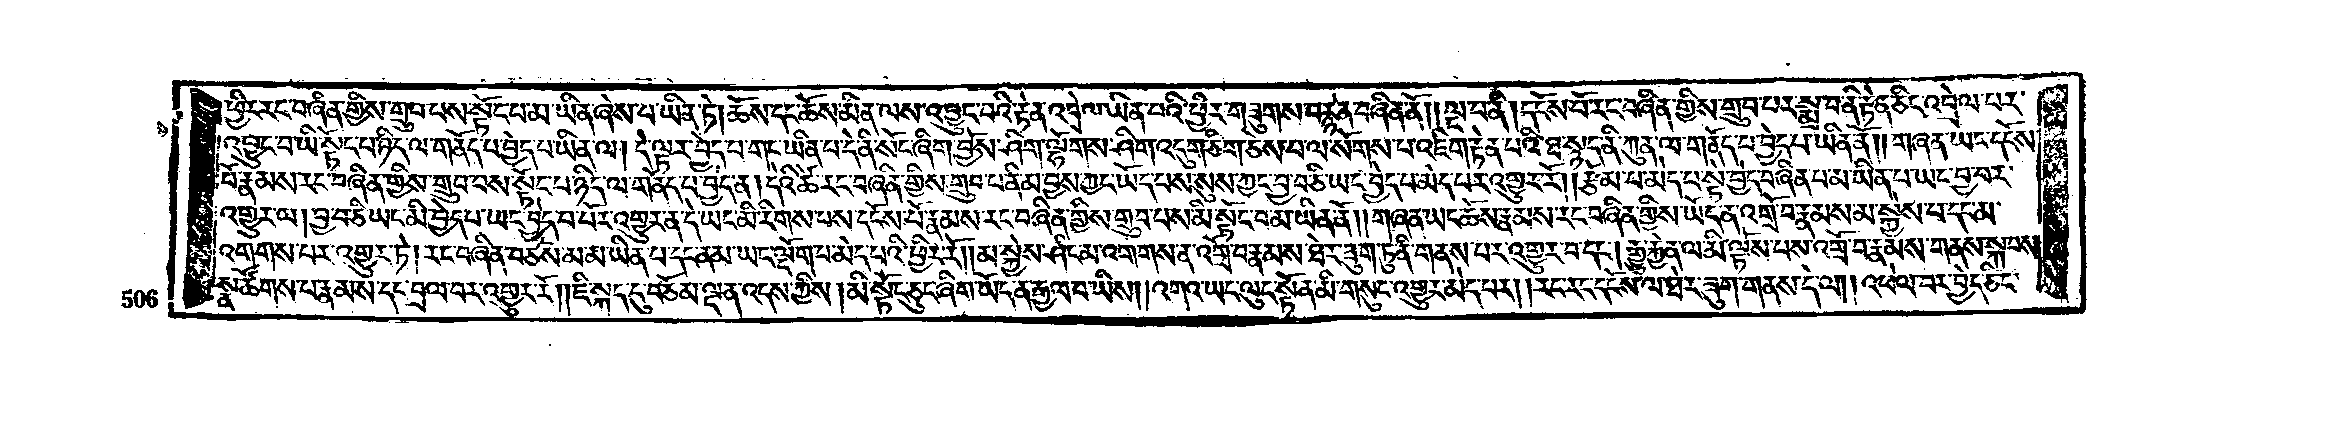ཕྱིར་རང་བཞིན་གྱིས་གྲུབ་པས་སྟོང་པ་མ་ཡིན་ཞེས་པ་ཡིན་ཏེ། ཆོས་དང་ཆོས་མིན་ལས་འབྱུང་བའི་རྟེན་འབྲེལ་ཡིན་པའི་ཕྱིར་གཟུགས་བརྙན་བཞིན་ནོ། །ལྔ་པ་ནི། དངོས་པོ་རང་བཞིན་གྱིས་གྲུབ་པར་སྨྲ་བ་ནི་རྟེན་ཅིང་འབྲེལ་པར་
འབྱུང་བ་ཡི་སྟོང་པ་ཉིད་ལ་གནོད་པ་བྱེད་པ་ཡིན་ལ། དེ་ལྟར་བྱེད་པ་གང་ཡིན་པ་དེ་ནི་སོང་ཞིག་བྱོས་ཤིག་ལྷོགས་ཤིག་འདུག་ཅིག་ཅེས་པ་ལ་སོགས་པ་འཇིག་རྟེན་པའི་ཐ་སྙད་ནི་ཀུན་ལ་གནོད་པ་བྱེད་པ་ཡིན་ནོ། །གཞན་ཡང་དངོས་
པ་རྣམས་རང་བཞིན་གྱིས་གྲུབ་པས་སྟོང་པ་ཉིད་ལ་གནོད་པ་བྱེད་ན། དེའི་ཚེ་རང་བཞིན་གྱིས་གྲུབ་པ་ནི་མ་བྱས་ཀྱང་ཡོད་པས་སུས་ཀྱང་བྱ་བ་ཅི་ཡང་བྱེད་པ་མེད་པར་འགྱུར་རོ། །རྩོམ་པ་མེད་པ་སྟེ་བྱེད་བཞིན་པ་མ་ཡིན་པ་ཡང་བྱ་བར་
འགྱུར་ལ། བྱ་བ་ཅི་ཡང་མི་བྱེད་པ་ཡང་བྱེད་པ་པོར་འགྱུར་ན་དེ་ཡང་མི་རིགས་པས་དངོས་པོ་རྣམས་རང་བཞིན་གྱིས་གྲུབ་པས་མི་སྟོང་པ་མ་ཡིན་ནོ། །གཞན་ཡང་ཆོས་རྣམས་རང་བཞིན་གྱིས་ཡོད་ན་འགྲོ་བ་རྣམས་མ་སྐྱེས་པ་དང་མ་
འགགས་པར་འགྱུར་ཏེ། རང་བཞིན་བཅོས་མ་མ་ཡིན་པ་དང་ནམ་ཡང་ལྡོག་པ་མེད་པའི་ཕྱིར་རོ། །མ་སྐྱེས་ཤིང་མ་འགགས་ན་འགྲོ་བ་རྣམས་ཐེར་ཟུག་ཏུ་ནི་གནས་པར་འགྱུར་བ་དང་། རྒྱུ་རྐྱེན་ལ་མི་ལྟོས་པས་འགྲོ་བ་རྣམས་གནས་སྐབས་
སྣ་ཚོགས་པ་རྣམས་དང་བྲལ་བར་འགྱུར་རོ། །ཇི་སྐད་དུ་བཅོམ་ལྡན་འདས་ཀྱིས། མི་སྟོང་ཅུང་ཞིག་ཡོད་ན་རྒྱལ་བ་ཡིས། །འགའ་ཡང་ལུང་སྟོན་མི་གསུང་འགྱུར་མེད་པར། །རང་རང་དངོས་ལ་ཐེར་ཟུག་གནས་དེ་ལ། །འཕེལ་བར་བྱེད་ཅིང་